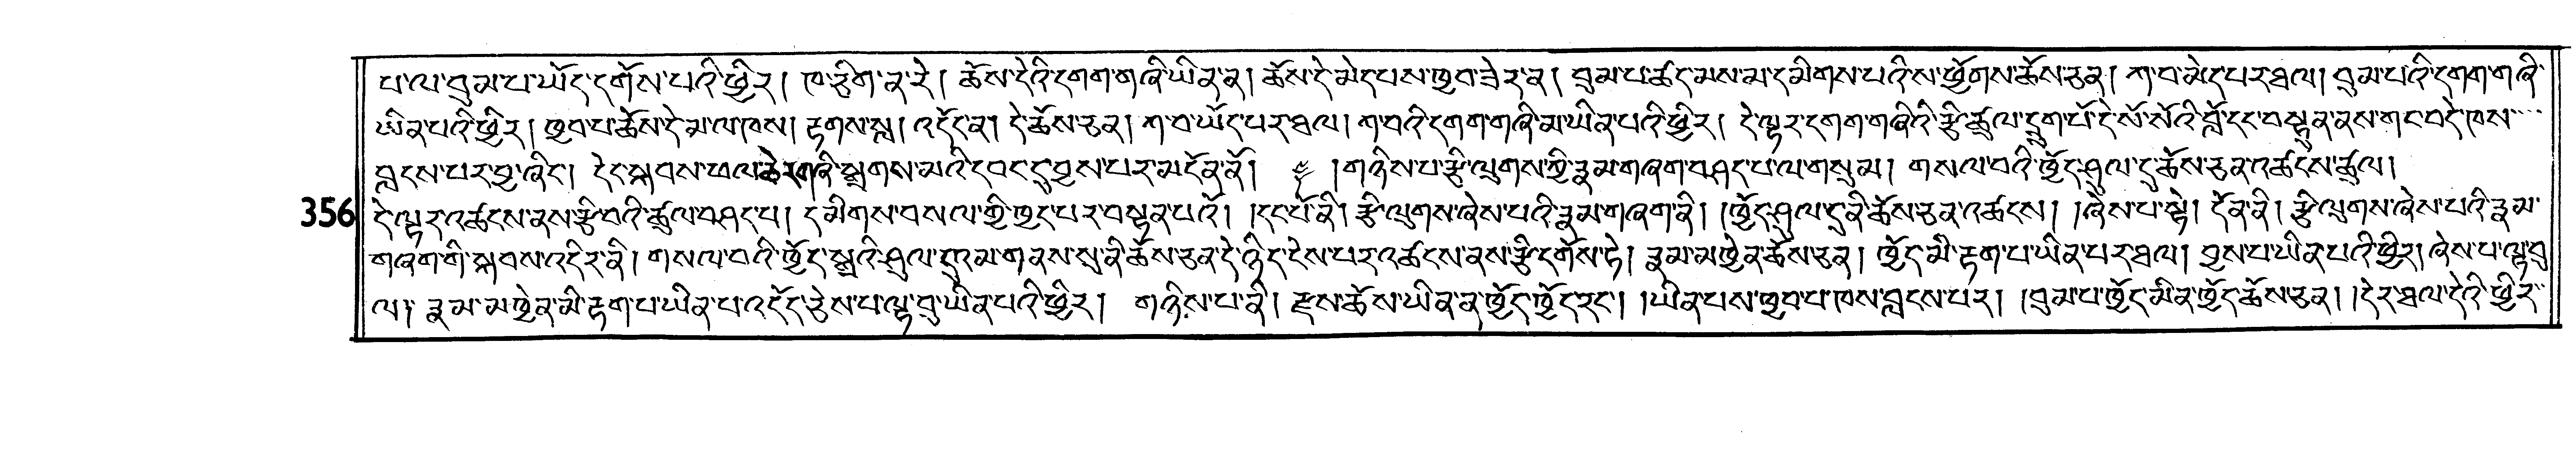པ་ལ་བུམ་པ་ཡོད་དགོས་པའི་ཕྱིར། ཁ་ཅིག་ན་རེ། ཆོས་དེའི་དགག་གཞི་ཡིན་ན། ཆོས་དེ་མེད་པས་ཁྱབ་ཟེར་ན། བུམ་པ་ཚད་མས་མ་དམིགས་པའི་ས་ཕྱོགས་ཆོས་ཅན། ཀ་བ་མེད་པར་ཐལ། བུམ་པའི་དགག་གཞི་
ཡིན་པའི་ཕྱིར། ཁྱབ་པ་ཆོས་དེ་མ་ལ་ཁས། རྟགས་སླ། འདོད་ན། དེ་ཆོས་ཅན། ཀ་བ་ཡོད་པར་ཐལ། ཀ་བའི་དགག་གཞི་མ་ཡིན་པའི་ཕྱིར། དེ་ལྟར་དགག་གཞིའི་རྩི་ཚུལ་དྲུག་པོ་དེ་སོ་སོའི་བློ་དང་བསྟུན་ནས་གང་བདེ་ཁས་
བླངས་པར་བྱ་ཞིང་། དེང་སྐབས་ཕལ་ཆེར་གཞི་སྒྲགས་མའི་དབང་དུ་བྱས་པར་མངོན་ནོ། ༈ །གཉིས་པ་རྩི་ལུགས་ཀྱི་རྣམ་གཞག་བཤད་པ་ལ་གསུམ། གསལ་བའི་ཁྱོད་ཤུལ་དུ་ཆོས་ཅན་འཚངས་ཚུལ།
དེ་ལྟར་འཚངས་ནས་རྩི་བའི་ཚུལ་བཤད་པ། དམིགས་བསལ་གྱི་ཁྱད་པར་བསྟན་པའོ། །དང་པོ་ནི། རྩི་ལུགས་ཞེས་པའི་རྣམ་གཞག་ནི། །ཁྱོད་ཤུལ་དུ་ནི་ཆོས་ཅན་འཚངས། །ཞེས་པ་སྟེ། དོན་ནི། རྩི་ལུགས་ཞེས་པའི་རྣམ་
གཞག་གི་སྐབས་འདིར་ནི། གསལ་བའི་ཁྱོད་སྒྲའི་ཤུལ་དུའམ་གནས་སུ་ནི་ཆོས་ཅན་དེ་ཉིད་ངེས་པར་འཚངས་ནས་རྩི་དགོས་ཏེ། རྣམ་མཁྱེན་ཆོས་ཅན། ཁྱོད་མི་རྟག་པ་ཡིན་པར་ཐལ། བྱས་པ་ཡིན་པའི་ཕྱིར། ཞེས་པ་ལྟ་བུ་
ལ༑ རྣམ་མཁྱེན་མི་རྟག་པ་ཡིན་པ་འདོད་ཅེས་པ་ལྟ་བུ་ཡིན་པའི་ཕྱིར། གཉིས་པ་ནི། རྫས་ཆོས་ཡིན་ན་ཁྱོད་རང་། །ཡིན་པས་ཁྱབ་པ་ཁས་བླངས་པར། །བུམ་པ་ཁྱོད་མིན་ཁྱོད་ཆོས་ཅན། །དེར་ཐལ་དེའི་ཕྱིར་